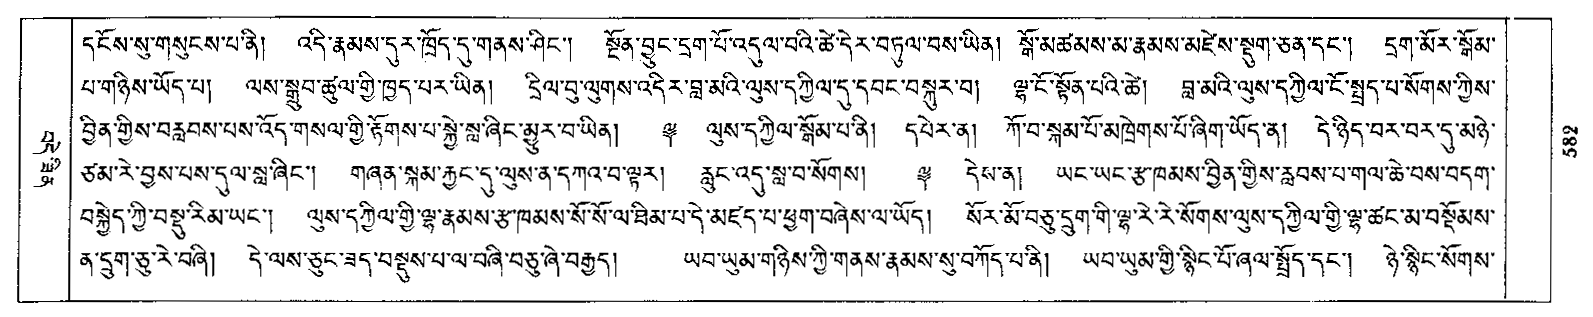དངོས་སུ་གསུངས་པ་ནི། འདི་རྣམས་དུར་ཁྲོད་དུ་གནས་ཤིང་། སྔོན་བྱུང་དྲག་པོ་འདུལ་བའི་ཚེ་དེར་བཏུལ་བས་ཡིན། སྒོ་མཚམས་མ་རྣམས་མཛེས་སྡུག་ཅན་དང་། དྲག་མོར་སྒོམ་
པ་གཉིས་ཡོད་པ། ལས་སྒྲུབ་ཚུལ་གྱི་ཁྱད་པར་ཡིན། དྲིལ་བུ་ལུགས་འདིར་བླ་མའི་ལུས་དཀྱིལ་དུ་དབང་བསྐུར་བ། ལྷ་ངོ་སྟོན་པའི་ཚེ། བླ་མའི་ལུས་དཀྱིལ་ངོ་སྤྲད་པ་སོགས་ཀྱིས་
བྱིན་གྱིས་བརླབས་པས་འོད་གསལ་གྱི་རྟོགས་པ་སྐྱེ་སླ་ཞིང་མྱུར་བ་ཡིན། ༈ ལུས་དཀྱིལ་སྒོམ་པ་ནི། དཔེར་ན། ཀོ་བ་སྐམ་པོ་མཁྲེགས་པོ་ཞིག་ཡོད་ན། དེ་ཉིད་བར་བར་དུ་མཉེ་
ཙམ་རེ་བྱས་པས་དུལ་སླ་ཞིང་། གཞན་སྐམ་རྐྱང་དུ་ལུས་ན་དཀའ་བ་ལྟར། རླུང་འདུ་སླ་བ་སོགས། ༈ དེས་ན། ཡང་ཡང་རྩ་ཁམས་བྱིན་གྱིས་རླབས་པ་གལ་ཆེ་བས་བདག་
བསྐྱེད་ཀྱི་བསྡུ་རིམ་ཡང་། ལུས་དཀྱིལ་གྱི་ལྷ་རྣམས་རྩ་ཁམས་སོ་སོ་ལ་ཐིམ་པ་དེ་མཛད་པ་ཕྱག་བཞེས་ལ་ཡོད། སོར་མོ་བཅུ་དྲུག་གི་ལྷ་རེ་རེ་སོགས་ལུས་དཀྱིལ་གྱི་ལྷ་ཚང་མ་བསྡོམས་
ན་དྲུག་ཅུ་རེ་བཞི། དེ་ལས་ཅུང་ཟད་བསྡུས་པ་ལ་བཞི་བཅུ་ཞེ་བརྒྱད། ཡབ་ཡུམ་གཉིས་ཀྱི་གནས་རྣམས་སུ་བཀོད་པ་ནི། ཡབ་ཡུམ་གྱི་སྙིང་པོ་ཞལ་སྤྲོད་དང་། ཉེ་སྙིང་སོགས་